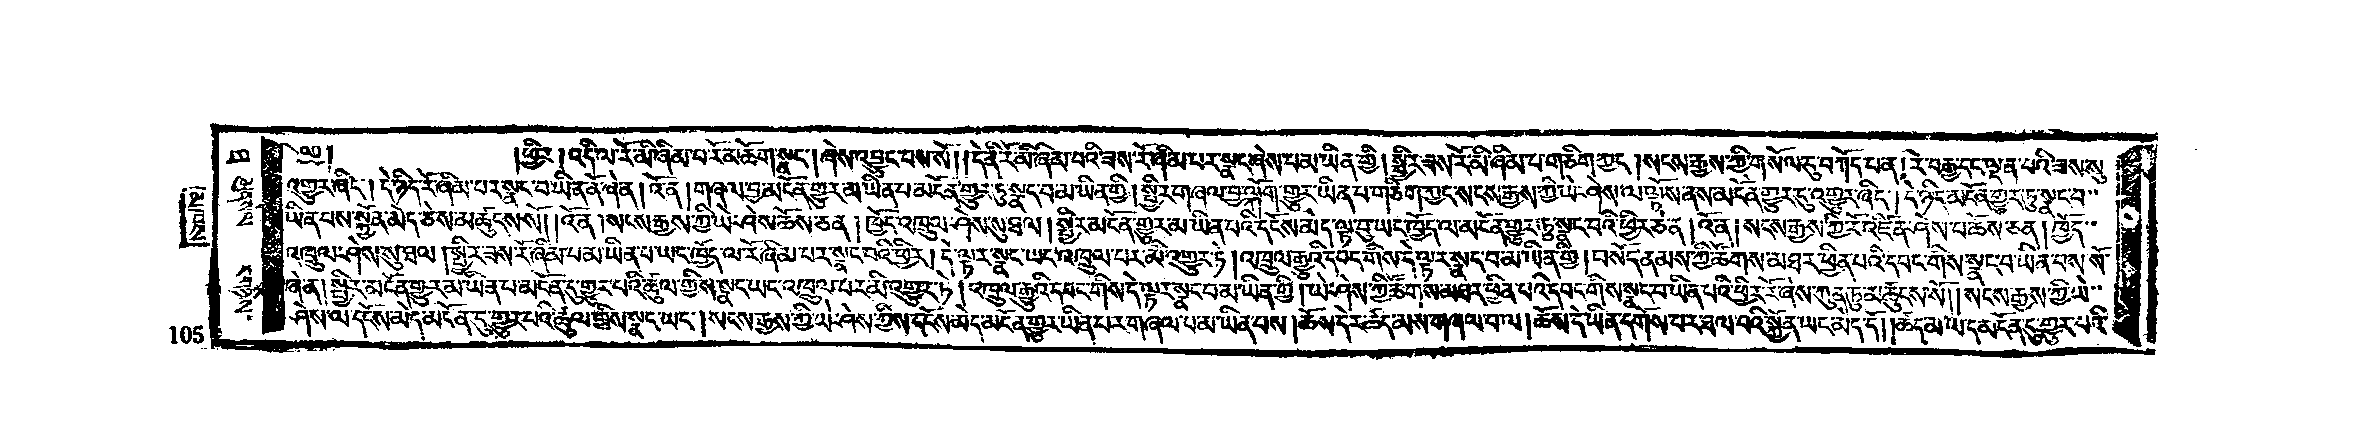༄༅། །ཕྱིར། འདི་ལ་རོ་མི་ཞིམ་པ་རོ་མཆོག་སྣང་། ཞེས་འབྱུང་བས་སོ། །དེ་ནི་རོ་མི་ཞིམ་པའི་ཟས་རོ་ཞིམ་པར་སྣང་ཞེས་པ་མ་ཡིན་གྱི། སྤྱིར་ཟས་རོ་མི་ཞིམ་པ་གཅིག་ཀྱང་། སངས་རྒྱས་ཀྱི་གསེལ་དུ་བཀོད་པ་ན། རོ་བརྒྱ་དང་ལྡན་པའི་ཟས་སུ་
འགྱུར་ཞིང་། དེ་ཉིད་རོ་ཞིམ་པར་སྣང་བ་ཡིན་ནོ་ཞེ་ན། འོ་ན། གཞལ་བྱ་མངོན་གྱུར་མ་ཡིན་པ་མངོན་གྱུར་ཏུ་སྣང་བ་མ་ཡིན་གྱི། སྤྱིར་གཞལ་བྱ་ལྐོག་གྱུར་ཡིན་པ་གཅིག་ཀྱང་སངས་རྒྱས་ཀྱི་ཡེ་ཤེས་ལ་ལྟོས་ནས་མངོན་གྱུར་དུ་འགྱུར་ཞིང་། དེ་ཉིད་མངོན་གྱུར་ཏུ་སྣང་བ་
ཡིན་པས་སྐྱོན་མེད་ཅེས་མཚུངས་སོ། །འོ་ན། སངས་རྒྱས་ཀྱི་ཡེ་ཤེས་ཆོས་ཅན། ཁྱོད་འཁྲུལ་ཤེས་སུ་ཐལ། སྤྱིར་མངོན་གྱུར་མ་ཡིན་པའི་དངོས་མེད་ལྟ་བུ་ཡང་ཁྱོད་ལ་མངོན་གྱུར་དུ་སྣང་བའི་ཕྱིར་ཅེ་ན། འོ་ན། སངས་རྒྱས་ཀྱི་རོ་འཛིན་ཤེས་པ་ཆོས་ཅན། ཁྱོད་
འཁྲུལ་ཤེས་སུ་ཐལ། སྤྱིར་ཟས་རོ་ཞིམ་པ་མ་ཡིན་པ་ཡང་ཁྱོད་ལ་རོ་ཞིམ་པར་སྣང་བའི་ཕྱིར། དེ་ལྟར་སྣང་ཡང་འཁྲུལ་པར་མི་འགྱུར་ཏེ། འཁྲུལ་རྒྱུའི་དབང་གིས་དེ་ལྟར་སྣང་བ་མ་ཡིན་གྱི། བསོད་ནམས་ཀྱི་ཚོགས་མཐར་ཕྱིན་པའི་དབང་གིས་སྣང་བ་ཡིན་པས་སོ་
ཞེ་ན། སྤྱིར་མངོན་གྱུར་མ་ཡིན་པ་མངོན་དུ་གྱུར་པའི་ཚུལ་གྱིས་སྣང་ཡང་འཁྲུལ་པར་མི་འགྱུར་ཏེ། འཁྲུལ་རྒྱུའི་དབང་གིས་དེ་ལྟར་སྣང་བ་མ་ཡིན་གྱི། ཡེ་ཤེས་ཀྱི་ཚོགས་མཐར་ཕྱིན་པའི་དབང་གིས་སྣང་བ་ཡིན་པའི་ཕྱིར་རོ་ཞེས་ཀུན་ཏུ་མཚུངས་སོ། །སངས་རྒྱས་ཀྱི་ཡེ་
ཤེས་ལ་དངོས་མེད་མངོན་དུ་གྱུར་པའི་ཚུལ་གྱིས་སྣང་ཡང་། སངས་རྒྱས་ཀྱི་ཡེ་ཤེས་ཀྱིས་དངོས་མེད་མངོན་གྱུར་ཡིན་པར་གཞལ་བ་མ་ཡིན་པས། ཆོས་དེར་ཚད་མས་གཞལ་བ་ལ། ཆོས་དེ་ཡིན་དགོས་པར་ཐལ་བའི་སྐྱོན་ཡང་མེད་དོ། །ཚད་མ་ལ་དེ་མངོན་དུ་གྱུར་པའི་